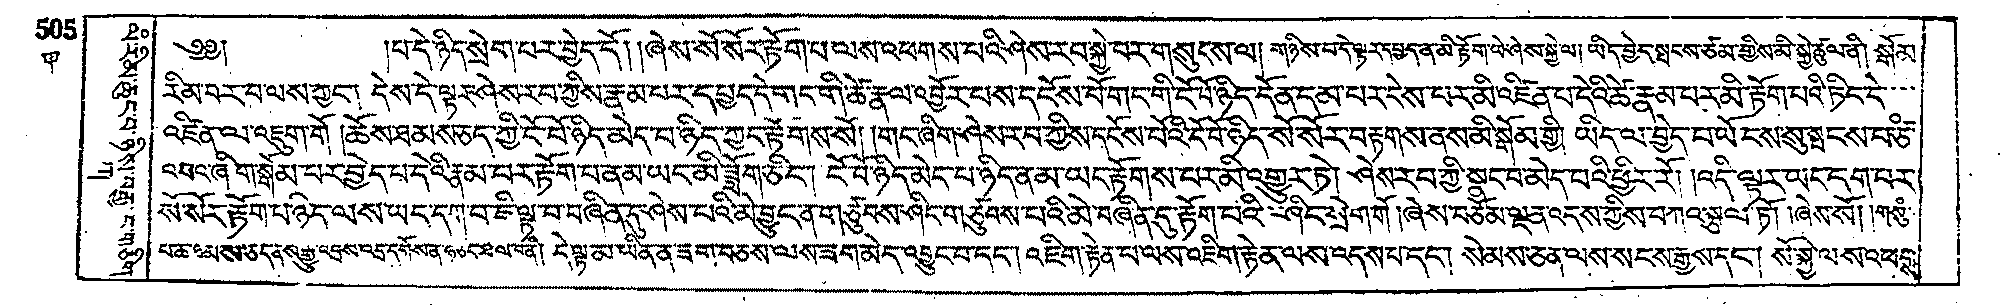༄༅། །པ་དེ་ཉིད་སྲེག་པར་བྱེད་དོ། །ཞེས་སོ་སོར་རྟོག་པ་ལས་འཕགས་པའི་ཤེས་རབ་སྐྱེ་བར་གསུངས་ལ། གཉིས་པ་དེ་ལྟར་དཔྱད་ན་མི་རྟོག་ཡེ་ཤེས་སྐྱེ་ལ། ཡིད་བྱེད་སྤངས་ཙམ་གྱིས་མི་སྐྱེ་ཚུལ་ནི།  སྒོམ་
རིམ་བར་པ་ལས་ཀྱང་། དེས་དེ་ལྟར་ཤེས་རབ་ཀྱིས་རྣམ་པར་དཔྱད་དེ་གང་གི་ཚེ་རྣལ་འབྱོར་པས་དངོས་པོ་གང་གི་ངོ་བོ་ཉིད་དོན་དམ་པར་ངེས་པར་མི་འཛིན་པ་དེའི་ཚེ་རྣམ་པར་མི་རྟོག་པའི་ཏིང་ངེ་
འཛིན་ལ་འཇུག་གོ །ཆོས་ཐམས་ཅད་ཀྱི་ངོ་བོ་ཉིད་མེད་པ་ཉིད་ཀྱང་རྟོགས་སོ། །གང་ཞིག་ཤེས་རབ་ཀྱིས་དངོས་པོའི་ངོ་བོ་ཉིད་སོ་སོར་བརྟགས་ནས་མི་སྒོམ་གྱི། ཡིད་ལ་བྱེད་པ་ཡོངས་སུ་སྤངས་པ་ཙཾ་
འབའ་ཞིག་སྒོམ་པར་བྱེད་པ་དེའི་རྣམ་པར་རྟོག་པ་ནམ་ཡང་མི་ཟློག་ཅིང་། ངོ་བོ་ཉིད་མེད་པ་ཉིད་ནམ་ཡང་རྟོགས་པར་མི་འགྱུར་ཏེ། ཤེས་རབ་ཀྱི་སྣང་བ་མེད་པའི་ཕྱིར་རོ། །འདི་ལྟར་ཡང་དག་པར་
སོ་སོར་རྟོག་པ་ཉིད་ལས་ཡང་དག་པ་ཇི་ལྟ་བ་བཞིན་དུ་ཤེས་པའི་མེ་བྱུང་ན་གཙུབས་ཤིང་གཙུབས་པའི་མེ་བཞིན་དུ་རྟོག་པའིཤིང་སྲེག་གོ །ཞེས་བཅོམ་ལྡན་འདས་ཀྱིས་བཀའ་སྩལ་ཏོ། །ཞེས་སོ། །གསུཾ་
པ་ཆ་ཐམས་ཅད་ནས་རྒྱུ་འབྲས་འདྲ་དགོས་ན་ཧ་ཅང་ཐལ་བ་ནི། དེ་ལྟ་མ་ཡིན་ན་ཟག་བཅས་ལས་ཟག་མེད་འབྱུང་བ་དང་། འཇིག་རྟེན་པ་ལས་འཇིག་རྟེན་ལས་འདས་པ་དང་། སེམས་ཅན་ལས་སངས་རྒྱས་དང་། སོ་སྐྱེ་ལས་འཕགས་